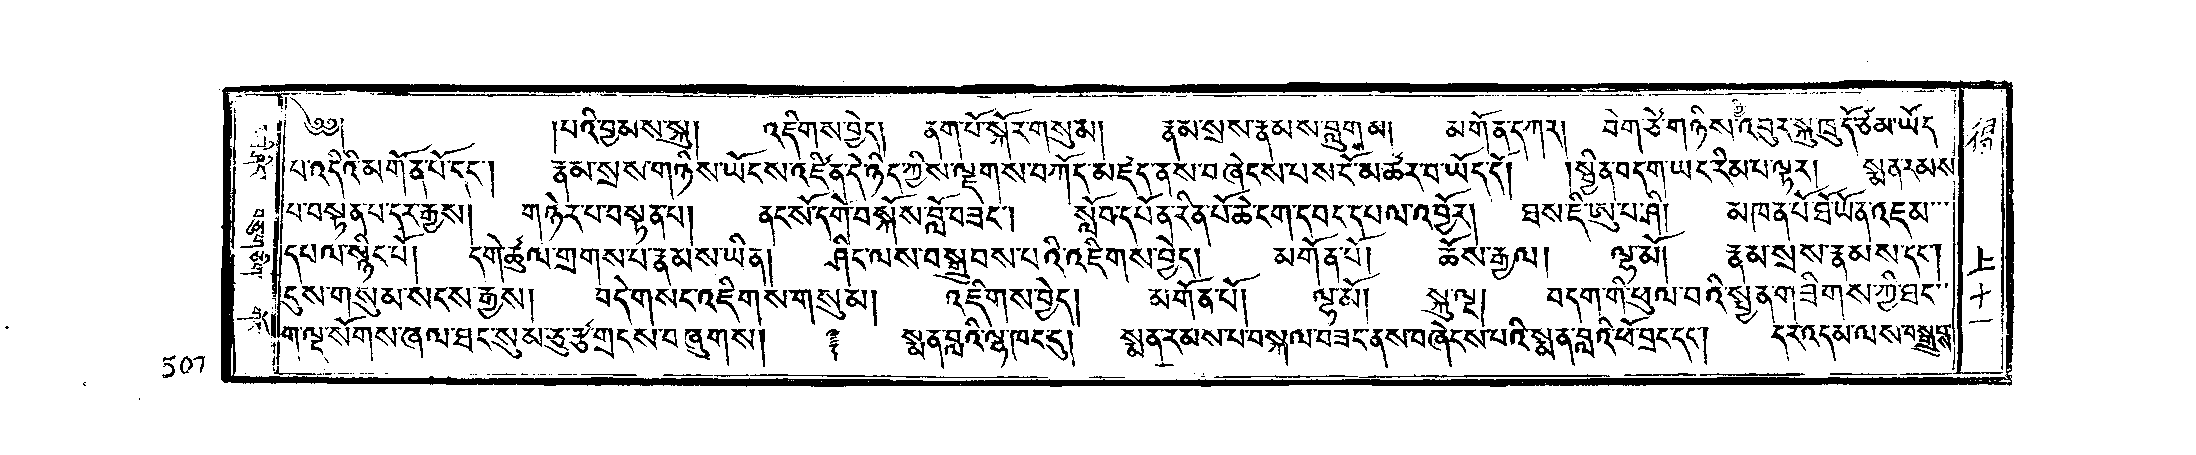༄༅། །པའི་བྱམས་སྐུ། འཇིགས་བྱེད། ནག་པོ་སྐོར་གསུམ། རྣམ་སྲས་རྣམས་བླུགས་མ། མགོན་དཀར། བེག་ཙེ་གཉིས་ཀྱི་འབུར་སྐུ་ཁྲུ་དོ་ཙམ་ཡོད་
པ་འདིའི་མགོན་པོ་དང་། རྣམ་སྲས་གཉིས་ཡོངས་འཛིན་དེ་ཉིད་ཀྱིས་ལྗགས་བཀོད་མཛད་ནས་བཞེངས་པས་ངོ་མཚར་བ་ཡོད་དོ། །སྦྱིན་བདག་ཡང་རིམ་པ་ལྟར། སྨན་རམས་
པ་བསྟན་པ་དར་རྒྱས། གཉེར་པ་བསྟན་པ། ནང་སོ་དགེ་བསྐོས་བློ་བཟང་། སློབ་དཔོན་རིན་པོ་ཆེ་ངག་དབང་དཔལ་འབྱོར། ཐས་ཇི་ཨུ་པ་ཤི། མཁན་པོ་ཐོ་ཡོན་འཇམ་
དཔལ་སྙིང་པོ། དགེ་ཚུལ་གྲགས་པ་རྣམས་ཡིན། ཤིང་ལས་བསྒྲུབས་པའི་འཇིགས་བྱེད། མགོན་པོ། ཆོས་རྒྱལ། ལྷ་མོ། རྣམ་སྲས་རྣམས་དང་།
དུས་གསུམ་སངས་རྒྱས། བདེ་གསང་འཇིགས་གསུམ། འཇིགས་བྱེད། མགོན་པོ། ལྷ་མོ། སྐུ་ལྔ། བདག་གི་ཕུལ་བའི་སྤྱན་གཟིགས་ཀྱི་ཐང་
ག་ལྔ་སོགས་ཞལ་ཐང་སུམ་ཅུ་རྩ་གྲངས་བཞུགས། ༈ སྨན་བླའི་ལྷ་ཁང་དུ། སྨན་རམས་པ་བསྐལ་བཟང་ནས་བཞེངས་པའི་སྨན་བླའི་ཕོ་བྲང་དང་། དར་འདམ་ལས་བསྒྲུབས་